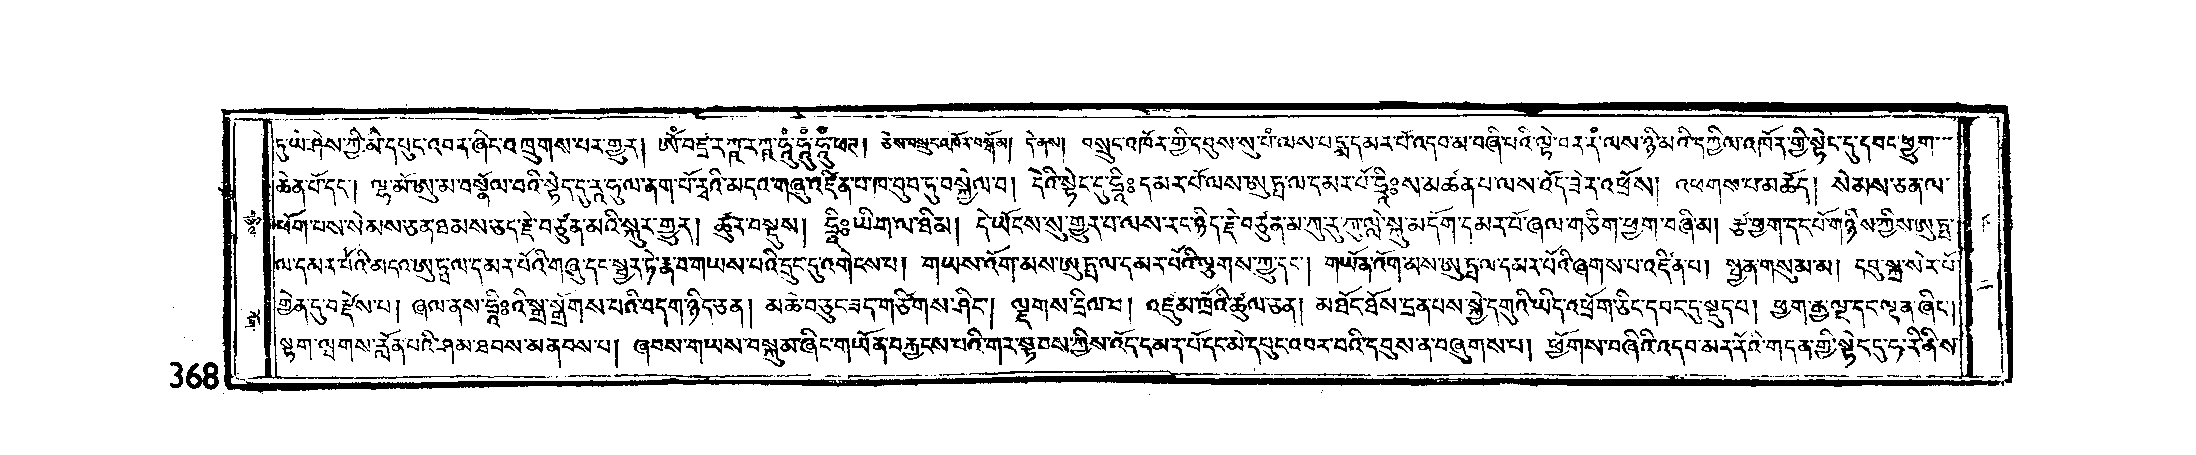ཏུ་ཡེ་ཤེས་ཀྱི་མི་དཔུང་འབར་ཞིང་འཁྲུགས་པར་གྱུར། ཨོཾ་བཛྲ་རཀྵ་རཀྵ་ཧཱུཾ་ཧཱུཾ་ཧཱུཾ་ཕཊ། ཅེས་བསྲུང་འཁོར་བསྒོམ། དེ་ནས། བསྲུང་འཁོར་གྱི་དབུས་སུ་པཾ་ལས་པདམ་དམར་པོ་འདབ་མ་བཞི་པའི་ལྟེ་བར་རམ་ལས་ཉི་མའི་དཀྱིལ་འཁོར་གྱི་སྟེང་དུ་དབང་ཕྱུག་
ཆེན་པོ་དང་། ལྷ་མོ་ཨུ་མ་བསྣོལ་བའི་སྟེང་དུ་རཱ་ཧུ་ལ་ནག་པོ་རྭའི་མདའ་གཞུ་འཛིན་པ་ཁ་བུབ་ཏུ་བསྐྱེལ་བ། དེའི་སྟེང་དུ་ཧྲཱིཿ དམར་པོ་ལས་ཨུཏྤ་ལ་དམར་པོ་ཧྲཱིཿ ས་མཚན་པ་ལས་འོད་ཟེར་འཕྲོས། འཕགས་པ་མཆོད། སེམས་ཅན་ལ་
ཕོག་པས་སེམས་ཅན་ཐམས་ཅད་རྗེ་བཙུན་མའི་སྐུར་གྱུར། ཚུར་བསྡུས། ཧྲཱིཿ ཡིག་ལ་ཐིམ། དེ་ཡོངས་སུ་གྱུར་པ་ལས་རང་ཉིད་རྗེ་བཙུན་མ་ཀུ་རུ་ཀུ་ལླེ་སྐུ་མདོག་དམར་པོ་ཞལ་གཅིག་ཕྱག་བཞི་མ། རྩ་ཕྱག་དང་པོ་གཉིས་ཀྱིས་ཨུཏྤ་
ལ་དམར་པོའི་མདའ་ཨུཏྤ་ལ་དམར་པོའི་གཞུ་དང་སྦྱར་ཏེ་རྣ་བ་གཡས་པའི་དྲུང་དུ་འགེངས་པ། གཡས་འོག་མས་ཨུཏྤ་ལ་དམར་པོའི་ལྕགས་ཀྱུ་དང་། གཡོན་འོག་མས་ཨུཏྤལ་དམར་པོའི་ཞགས་པ་འཛིན་པ། སྤྱན་གསུམ་མ། དབུ་སྐྲ་སེར་པོ་
གྱེན་དུ་བརྫེས་པ། ཞལ་ནས་ཧྲཱིཿའི་སྒྲ་སྒྲོགས་པའི་བདག་ཉིད་ཅན། མཆེ་བ་ཅུང་ཟད་གཙིགས་ཤིང་། ལྗགས་དྲིལ་བ། འཛུམ་ཁྲོའི་ཚུལ་ཅན། མཐོང་ཐོས་དྲན་པས་སྐྱེ་དགུའི་ཡིད་འཕྲོག་ཅིང་དབང་དུ་སྡུད་པ། ཕྱག་རྒྱ་ལྔ་དང་ལྡན་ཞིང་།
སྟག་ལྤགས་རློན་པའི་ཤམ་ཐབས་མནབས་པ། ཞབས་གཡས་བསྐུམ་ཞིང་གཡོན་བརྐྱངས་པའི་གར་སྟབས་ཀྱིས་འོད་དམར་པོ་དང་མེ་དཔུང་འབར་བའི་དབུས་ན་བཞུགས་པ། ཕྱོགས་བཞིའི་འདབ་མར་རོའི་གདན་གྱི་སྟེང་དུ་ཧ་རི་ནི་ས་